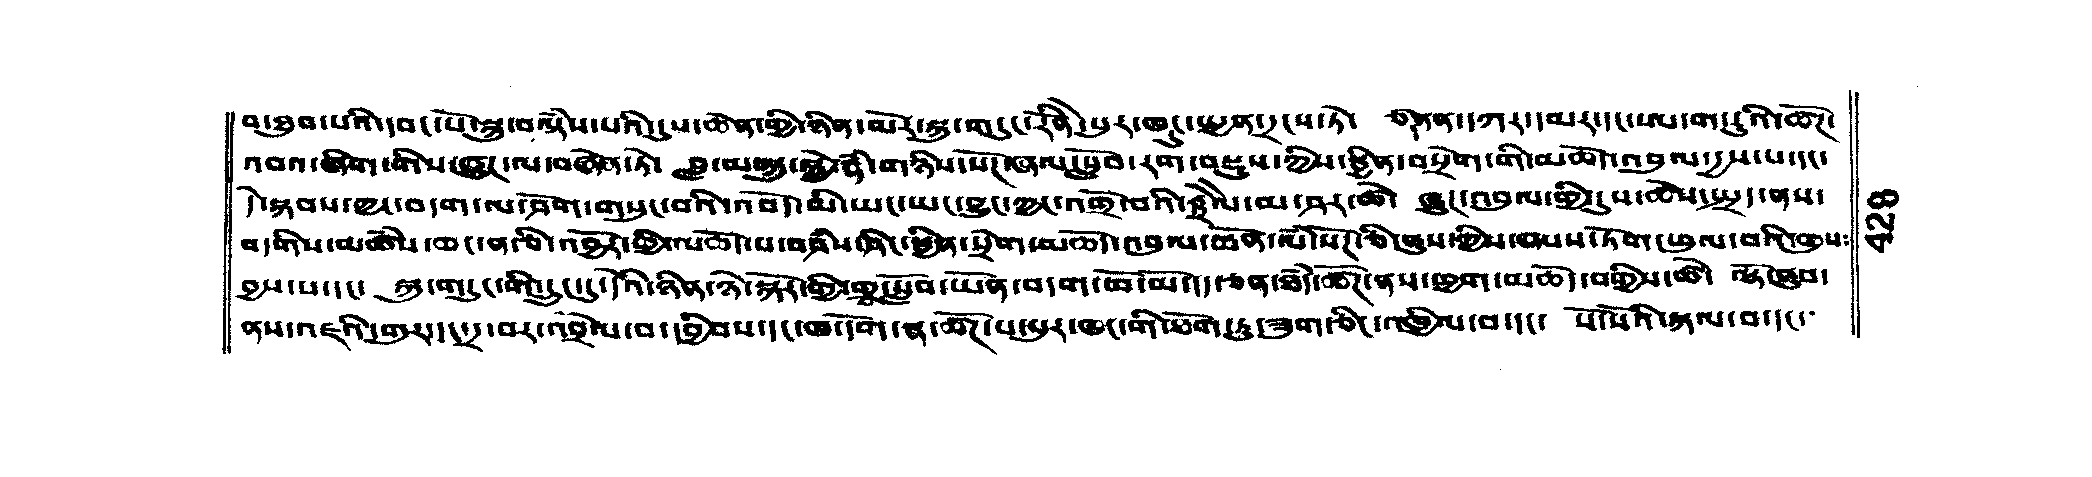བ་ཐུབ་པའི་དབང་པོ་སྐུ་བལྟམས་པའི་དུས་ཆེན་གྱི་ཉིན་མོར་སྐུ་གདུང་རིན་པོ་ཆེ་པུར་ཁང་དུ་སྤྱན་དྲངས་ཏེ།ཙནྡན་དཀར་དམར་དང་ཨ་ག་རུའི་ཚོགས་
འབའ་ཞིག་གིས་ཞུགས་ལ་བཞེངས་ཏེ། བླ་མ་སྐུ་སྐྱེ་རྣམ་གཉིས་སོགས་ཞལ་སློབ་རགས་བསྡུས་ཀྱིས་སྦྱིན་བསྲེག་གི་མཆོད་འབུལ་རྒྱས་པ་དང་
དེ་སྐབས་ཀྱང་བདག་ལ་ཤོག་གསུང་བའི་འབོད་མི་ཡང་ཡང་བྱུང་ཀྱང་འགྲོ་བའི་རྟེན་འབྲེལ་མ་ཤར་ཚེ། ཞུགས་འབུལ་གྱི་དུས་ཚེས་སྤྲད་ནས་
བདག་གིས་མཚམས་ཁང་ནས་ཅི་འབྱོར་གྱི་མཆོད་པ་བཤམས་ཤིང་སྦྱིན་སྲེག་མཆོད་འབུལ་སྨོན་ལམ་སོགས་ཅི་ནུས་ཞབས་ཏོག་ཕུལ་བའི་ཁུལ་
བྱས་པ་དང་། སྐུ་གདུང་གི་དྲུང་དུ་དེའི་ཉིན་ཉེ་སྐོར་གྱི་གྲྭ་སློབ་ཡོན་བདག་ཕོ་མོ་དད་ཅན་ཐམས་ཅད་ཚོགས་ནས་ཕྱག་མཆོད་བགྱིས་ཚེ། ལྷོ་ནུབ་
ནས་འཇའི་གུར་དང་དྲྭ་བར་འབྲེལ་བ་དབྱིབས་དང་ཁ་དོག་སྣ་ཚོགས་པ་པུར་ཁང་གི་ཐོག་ཏུ་ཟུག་ཅིང་འཁྱིལ་བ་དང་། སོ་སོའི་སྐལ་བ་དང་